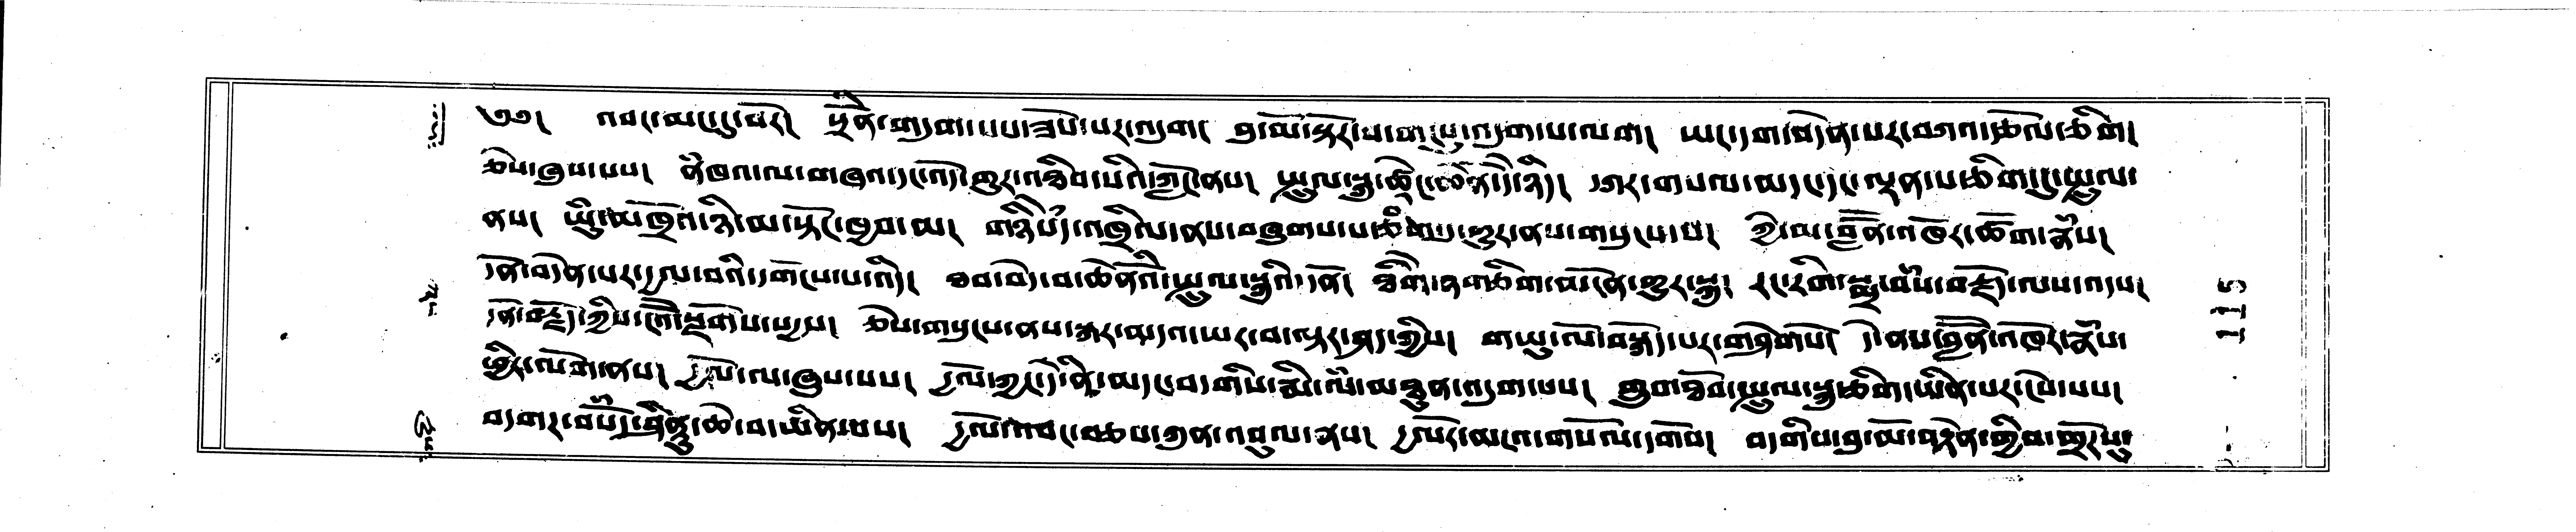འབངས་མང་དུ་བོར། སྲིན་པོ་གདུག་པས་ཟོས་པར་འདུག བུ་མོ་སྟོར་བ་གང་དུ་འདུག་པ་ལགས། ཡང་དག་བདེན་པར་བཀའ་སྩོལ་ཅིག
ཅེས་ཞུས་པས། ནམ་མཁའ་ལ་གཞའ་དང་འོད་གུར་འཐིབས་པའི་ཀློང་ནས། སྤྲུལ་སྐུ་ཚེ་དབང་ཆེན་པོ་དེ་ཉིད། དཀར་གསལ་མདངས་དང་ལྡན་པ་ཅིག་ཏུ་སྤྲུལ་
ནས། ཡུམ་མཁའ་འགྲོ་ཉི་མ་སྟོང་ཁྱབ་མ། གཉིས་མེད་འཁྲིལ་ནས་བཞུགས་པ་གཅིག་ཏུ་གྱུར་ནས་གསུངས་པ། ཀྱེ་མ་བློན་པོ་འཁོར་ཚོགས་རྣམས། 
དོན་བདེན་པར་རྒྱལ་བའི་དགོངས་པ་འདི། ཐབས་བདེ་བ་ཆེན་པོའི་སྤྲུལ་སྐུའི་དོན། ཐིག་ལེ་ཉག་གཅིག་མངོན་གྱུར་སྐུ། རང་རིག་སྨ་བསམ་བརྗོད་ལས་འདས། 
དོན་བརྗོད་ཀྱིས་ངོ་བོ་རྫོགས་སངས་རྒྱས། ཅེས་གསུངས་ནས་སྐར་མདའ་ཡལ་བ་ལྟར་ཤད་ཀྱིས། གཡུ་ལོ་བཀོད་པར་གཤེགས་སོ། དེ་ནས་བློན་པོ་འཁོར་རྣམས་
ཕྱིར་ལོག་ནས། རྒྱལ་པོ་ལ་ཞུས་པ། རྒྱལ་པོ་ཀྱང་དེ་ནི་མདང་བདག་གི་རྨི་ལམ་མཐུན་འདུག་པས། གྲུབ་ཐོབ་སྤྲུལ་སྐུ་ཅིག་ཡིན་པར་ངེས་པས། 
བདག་ཅག་བསོད་ནམས་ཤིན་ཏུ་ཆེ་བ་ཡིན་པས། རྒྱལ་པོ་འབངས་བཅས་ཀུན་འབུལ་ནས། རྒྱལ་པོར་མངའ་གསོལ་དགོས། བདག་གི་བུ་མོ་གཏན་གྱི་གྲོགས་སུ་